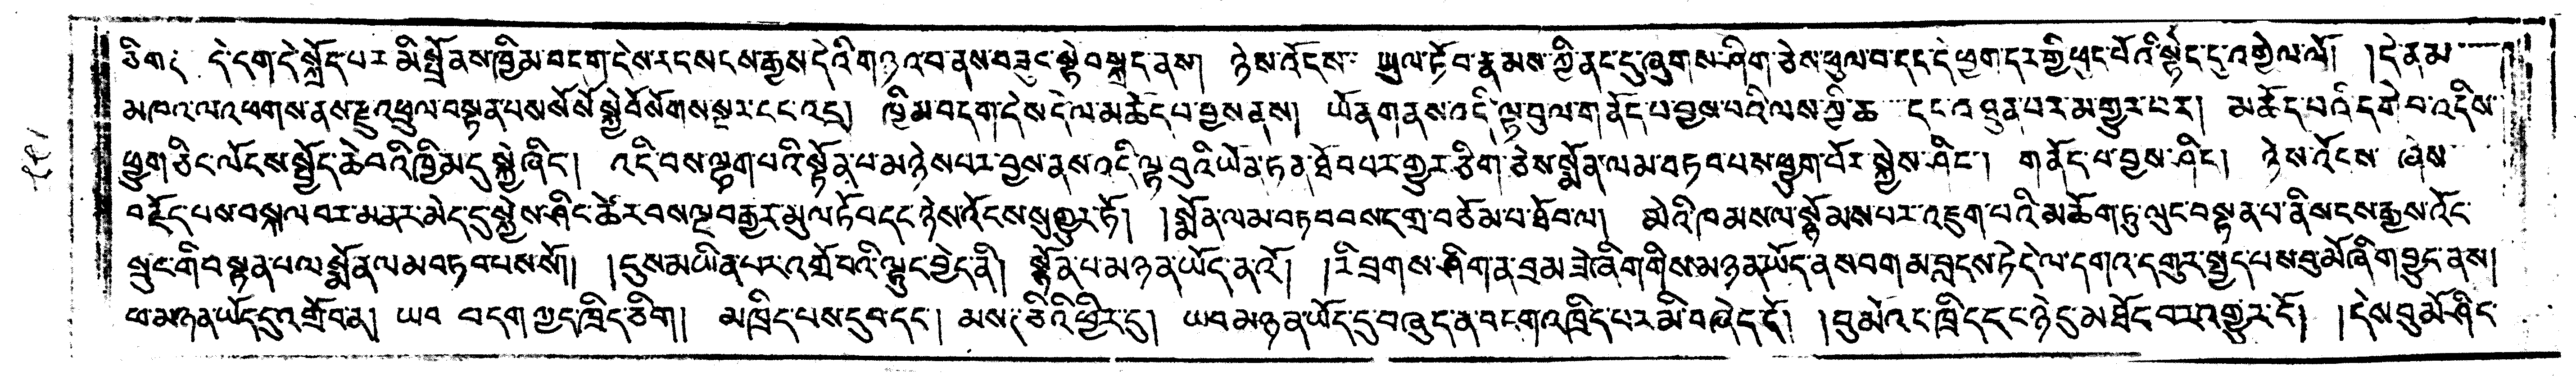ཅིག༑ དེ་དག་དེ་སྐྲོད་པར་མི་སྤྲོ་ནས་ཁྱིམ་བདག་དེས་རང་སངས་རྒྱས་དེའི་གཉའ་བ་ནས་བཟུང་སྟེ་བསྐྲད་ནས། ཉེས་འོངསཿ ཡུལ་ཏོ་བ་རྣམས་ཀྱི་ནང་དུ་ཞུགས་ཤིག་ཅེས་ཕུལ་བ་དང་དེ་ཕྱག་དར་གྱི་ཕུང་པོའི་སྟེང་དུ་འགྱེལ་ལོ། །དེ་ནམ་
མཁའ་ལ་འཕགས་ནས་རྫུ་འཕྲུལ་བསྟན་པས་སོ་སོ་སྐྱེ་བོ་སོགས་སྔར་དང་འདྲ། ཁྱིམ་བདག་དེས་དེ་ལ་མཆོད་པ་བྱས་ནས། ཡོན་གནས་འདི་ལྟ་བུ་ལ་གནོད་པ་བྱས་པའི་ལས་ཀྱི་ཆ་དང་འཐུན་པར་མ་གྱུར་པར། མཆོད་པའི་དགེ་བ་འདིས་
ཕྱུག་ཅིང་ལོངས་སྤྱོད་ཆེ་བའི་ཁྱིམ་དུ་སྐྱེ་ཞིང་། འདི་བས་ལྷག་པའི་སྟོན་པ་མཉེས་པར་བྱས་ནས་འདི་ལྟ་བུའི་ཡོན་ཏན་ཐོབ་པར་གྱུར་ཅིག་ཅེས་སྨོན་ལམ་བཏབ་པས་ཕྱུག་པོར་སྐྱེས་ཤིང་། གནོད་པ་བྱས་ཤིང་། ཉེས་འོངས་ཞེས་
བརྗོད་པས་བསྐལ་བར་མནར་མེད་དུ་སྐྱེས་ཤིང་ཚེར་བས་ལྔ་བརྒྱར་མུལ་ཏོབ་དང་ཉེས་འོངས་སུ་གྱུར་ཏོ། །སྨོན་ལམ་བཏབ་བས་དགྲ་བཅོམ་པ་ཐོབ་ལ། མེའི་ཁམས་ལ་སྙོམས་པར་འཇུག་པའི་མཆོག་ཏུ་ལུང་བསྟན་པ་ནི་སངས་རྒྱས་འོང་
སྲུང་གི་བསྟན་པ་ལ་སྨོན་ལམ་བཏབ་པས་སོ།། །དུས་མ་ཡིན་པར་འགྲོ་བའི་ལྟུང་བྱེད་ནི། སྟོན་པ་མཉན་ཡོད་ནའོ། །རི་བྲགས་ཤིག་ན་བྲམ་ཟེ་ཞིག་གིས་མཉན་ཡོད་ནས་བག་མ་བླངས་ཏེ་དེ་ལ་དགའ་དགུར་སྤྱད་པས་བུ་མོ་ཞིག་བྱུང་ནས།
ཕ་མཉན་ཡོད་དུ་འགྲོ་བ་ན། ཡབ་བདག་ཀྱང་ཁྲིད་ཅིག། མཁྲིད་པས་དུབ་དང་། མས༑ ཅིའི་ཕྱིར་དུ། ཡབ་མཉན་ཡོད་དུ་བཞུད་ན་བདག་འཁྲིད་པར་མི་བཞེད་དོ། །བུ་མོའང་ཁྲིད་དང་ཉེ་དུ་མཐོང་བར་འགྱུར་ངོ། །དེས་བུ་མོ་ཤིང་